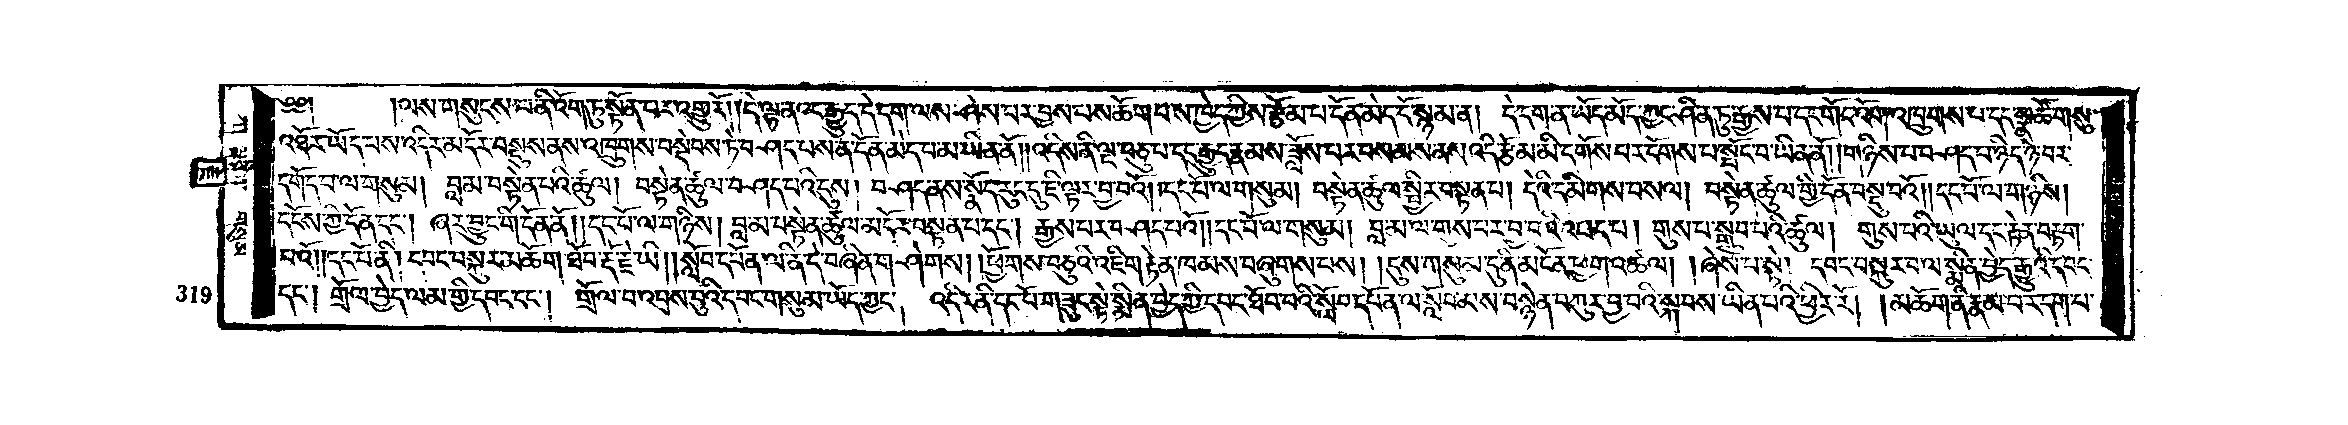༄༅། །ལས་གསུངས་པ་ནི་འོག་ཏུ་སྟོན་པར་འགྱུར་རོ། །དེ་ལྟ་ནའང་རྒྱུད་དེ་དག་ལས་ཤེས་པར་བྱས་པས་ཆོག་པས་ཁྱེད་ཀྱིས་རྩོམ་པ་དོན་མེད་དོ་སྙམ་ན། དེ་དག་ན་ཡོད་མོད་ཀྱང་ཤིན་ཏུ་རྒྱས་པ་དང་གོང་འོག་འཁྲུགས་པ་དང་སྣ་ཚོགས་སུ་
འཐོར་ཡོད་པས་འདིར་མདོར་བསྡུས་ནས་འཁྲུགས་བསྡེབས་ཏེ་བཤད་པས་ན་དོན་མེད་པ་མ་ཡིན་ནོ། །འདིས་ནི་ལྔ་བཅུ་པ་དང་རྒྱུད་རྣམས་ཟློས་པར་བསམས་ནས་འདི་རྩོམ་མི་དགོས་པར་དོགས་པ་སྤོང་བ་ཡིན་ནོ། །གཉིས་པ་བཤད་པ་ཉིད་ཉེ་བར་
དགོད་པ་ལ་གསུམ། བླ་མ་བསྟེན་པའི་ཚུལ། བསྟེན་ཚུལ་བཤད་པའི་དུས། བཤད་ནས་སྣོད་རུང་དུ་ཇི་ལྟར་བྱ་བའོ། །དང་པོ་ལ་གསུམ། བསྟེན་ཚུལ་སྤྱིར་བསྟན་པ། དེའི་དམིགས་བསལ། བསྟེན་ཚུལ་གྱི་དོན་བསྡུ་བའོ། །དང་པོ་ལ་གཉིས།
དངོས་ཀྱི་དོན་དང་། ཞར་བྱུང་གི་དོན་ནོ། །དང་པོ་ལ་གཉིས། བླ་མ་བསྟེན་ཚུལ་མདོར་བསྟན་པ་དང་། རྒྱས་པར་བཤད་པའོ། །དང་པོ་ལ་གསུམ། བླ་མ་ལ་གུས་པར་བྱ་བའི་འབད་པ། གུས་པ་སྒྲུབ་པའི་ཚུལ། གུས་པའི་ཡུལ་དང་རྟེན་བརྟག་
པའོ། །དང་པོ་ནི། དབང་བསྐུར་མཆོག་ཐོབ་རྡོ་རྗེ་ཡི། །སློབ་དཔོན་ལ་ནི་དེ་བཞིན་གཤེགས། །ཕྱོགས་བཅུའི་འཇིག་རྟེན་ཁམས་བཞུགས་པས། །དུས་གསུམ་དུ་ནི་མངོན་ཕྱག་འཚལ། །ཞེས་པ་སྟེ། དབང་བསྐུར་བ་ལ་སྨིན་བྱེད་རྒྱུའི་དབང་
དང་། གྲོལ་བྱེད་ལམ་གྱི་དབང་དང་། གྲོལ་བ་འབྲས་བུའི་དབང་གསུམ་ཡོད་ཀྱང་། འདིར་ནི་དང་པོ་གཟུང་སྟེ་སྨིན་བྱེད་ཀྱི་དབང་ཐོབ་པའི་སློབ་དཔོན་ལ་སློབ་མས་བསྙེན་བཀུར་བྱ་བའི་སྐབས་ཡིན་པའི་ཕྱིར་རོ། །མཆོག་ནི་རྣམ་པར་དག་པ་